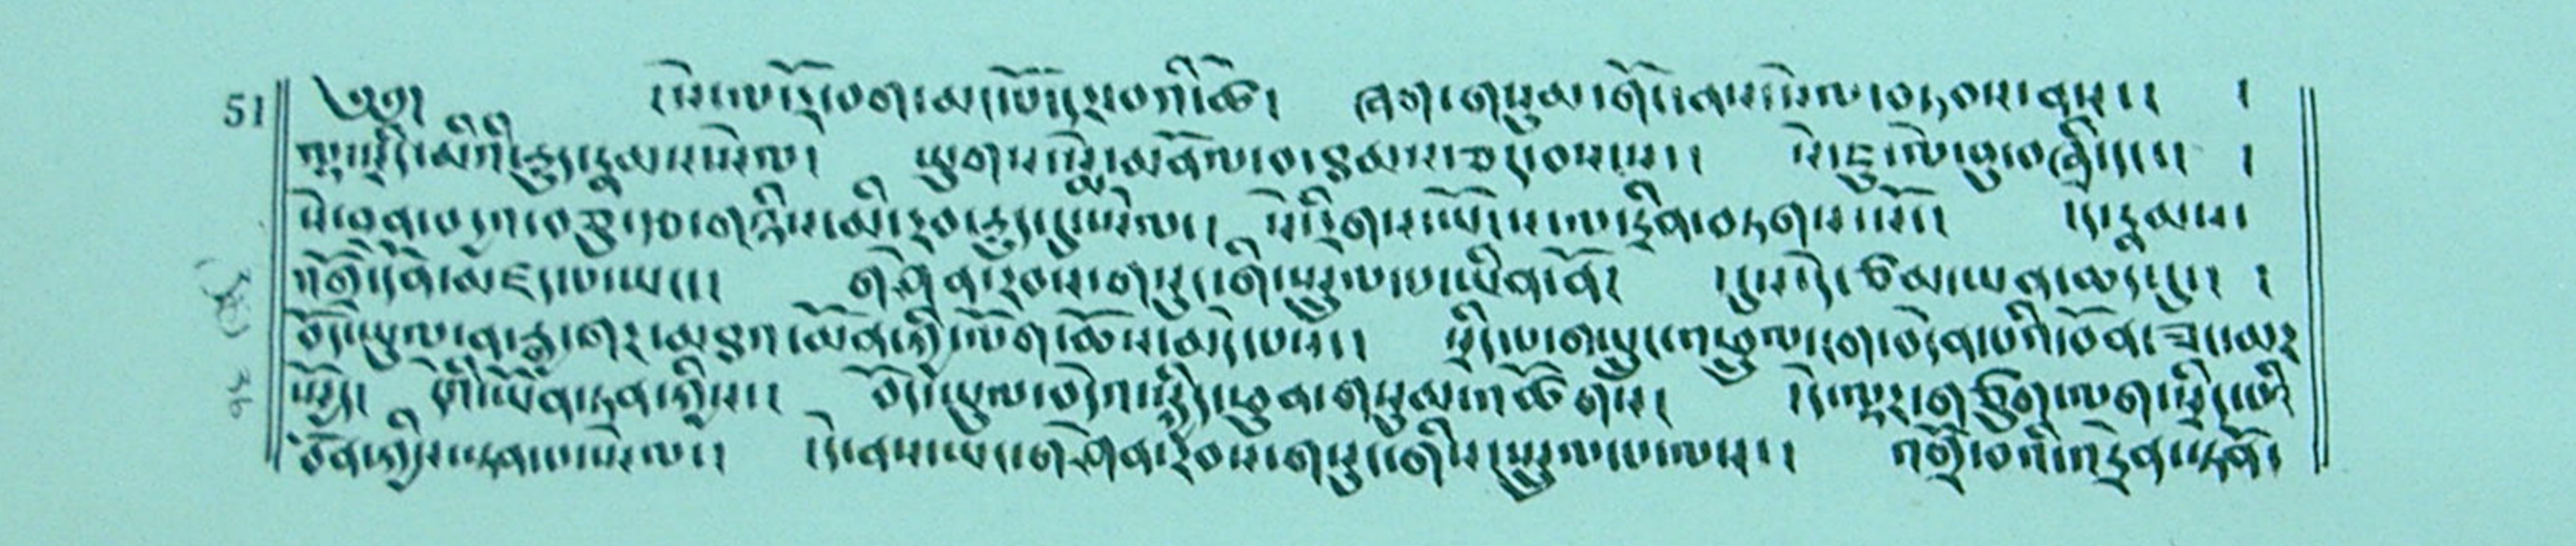༄༅། །སེ་ལ་རོ་བག་མང་པོ་དར་བའི་ཚེ། ཞག་གསུམ་གོང་ནས་སེལ་བཏབས་ནས། 
ལྷ་སྲིད་མིའི་རྒྱུད་རྣམས་སྤེལ། ཡུགས་སྨེ་མནོལ་བ་ཐམས་ཅད་བསང་། སེ་ཇུ་ལེ་བུ་བཞི་དང་།
 སེ་བྲན་བརྒྱད་ཅུ་རྩ་གཉིས་མི་རབས་རྒྱུད་དུ་སྤེལ། སེ་རིགས་ཡོངས་ལ་དྲིན་བཏགས་སོ། །དེ་རྣམས་
འགྲོ་དོན་མཛད་པ་ཡང་། གཤེན་རབ་གསུང་གི་སྤྲུལ་པ་ཡིན་ནོ། །དུས་དེ་ཙམ་ཡན་ཆད་དུ། 
བོད་ཡུལ་ན་རྒྱ་གར་མཐའ་མོན་གྱི་ལོག་ཆོས་མེད་པས། སྲིད་པ་གཡུང་དྲུང་འཕྲུལ་ངག་བདེན་པའི་བོན་ཟངས་མར་
སྤྱོད། དེའི་ཡོན་ཏན་གྱིས། བོད་ཡུལ་བདེ་སྐྱིད་ཕུན་སུམ་འཚོགས། དེ་ལྟར་གཙུག་ལག་སྲིད་པའི་
བོན་གྱི་བསྟན་པ་སྤེལ། དེ་ནས་ཡང་གཤེན་རབ་གསུང་གི་སྤྲུལ་པ་ལས། འགྲོ་བའི་འདྲེན་སྟོན་